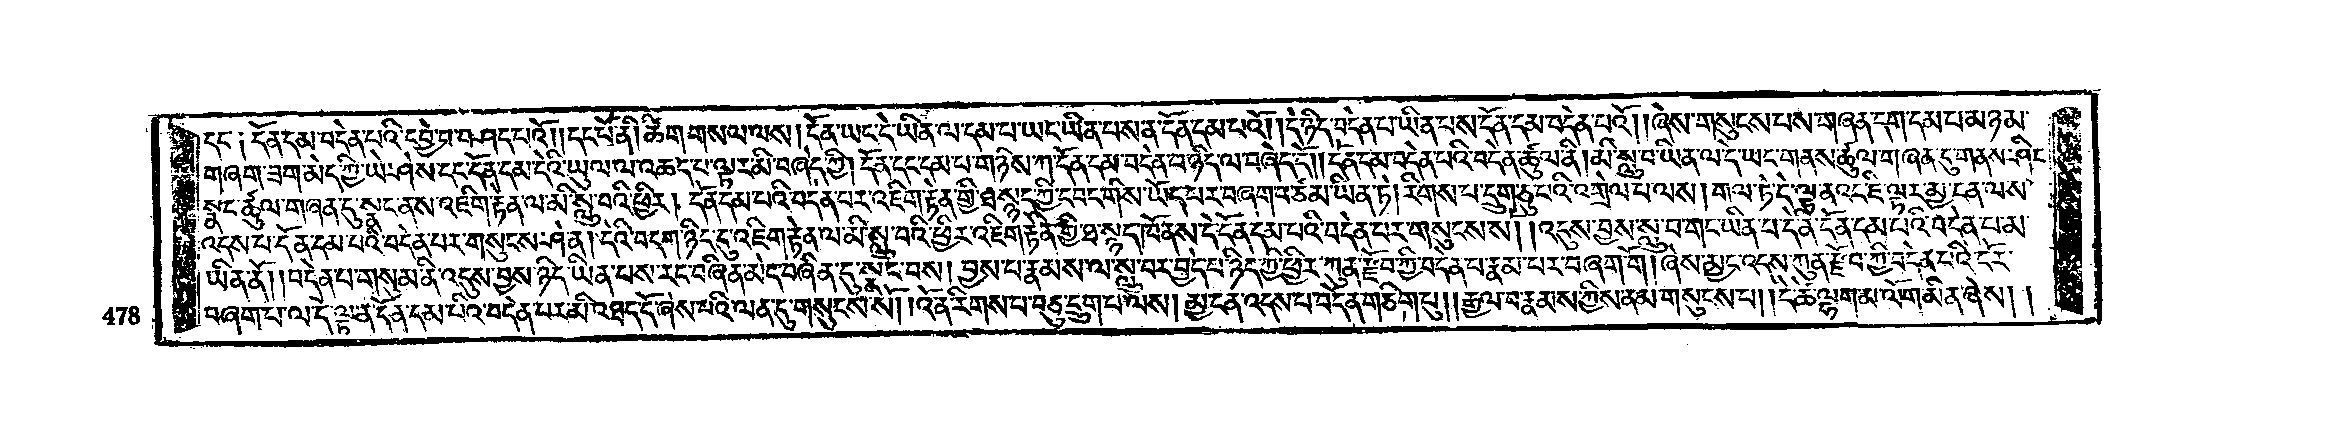དང༑ དོན་དམ་བདེན་པའི་དབྱེ་བ་བཤད་པའོ། །དང་པོ་ནི། ཚིག་གསལ་ལས། དོན་ཡང་དེ་ཡིན་ལ་དམ་པ་ཡང་ཡིན་པས་ན་དོན་དམ་པའོ། །དེ་ཉིད་བདེན་པ་ཡིན་པས་དོན་དམ་བདེན་པའོ། །ཞེས་གསུངས་པས་གཞན་དག་དམ་པ་མཉམ་
གཞག་ཟག་མེད་ཀྱི་ཡེ་ཤེས་དང་དོན་དམ་དེའི་ཡུལ་ལ་འཆད་པ་ལྟར་མི་བཞེད་ཀྱི། དོན་དམ་དམ་པ་གཉིས་ཀ་དོན་དམ་བདེན་པ་ཉིད་ལ་བཞེད་དོ། །དོན་དམ་བདེན་པའི་བདེན་ཚུལ་ནི། མི་སླུ་བ་ཡིན་ལ་དེ་ཡང་གནས་ཚུལ་གཞན་དུ་གནས་ཤིང་
སྣང་ཚུལ་གཞན་དུ་སྣང་ནས་འཇིག་རྟེན་ལ་མི་སླུ་བའི་ཕྱིར། དོན་དམ་པའི་བདེན་པར་འཇིག་རྟེན་གྱི་ཐ་སྙད་ཀྱི་དབང་གིས་ཡོད་པར་བཞག་པ་ཙམ་ཡིན་ཏེ། རིགས་པ་དྲུག་ཅུ་པའི་འགྲེལ་པ་ལས། གལ་ཏེ་དེ་ལྟ་ནའང་ཇི་ལྟར་མྱ་ངན་ལས་
འདས་པ་དོན་དམ་པའི་བདེན་པར་གསུངས་ཤེ་ན། དེའི་བདག་ཉིད་དུ་འཇིག་རྟེན་ལ་མི་སླུ་བའི་ཕྱིར་འཇིག་རྟེན་གྱི་ཐ་སྙད་ཁོ་ནས་དྲང་སྙམ་ན། འདིའི་ལན་ནི་རིགས་པ་དྲུག་ཅུ་པའི་འགྲེལ་པ་པ་དེ་ནི་དོན་དམ་པའི་བདེན་པ་མ་
ཡིན་ནོ། །བདེན་པ་གསུམ་ནི་འདུས་བྱས་ཉིད་ཡིན་པས་རང་བཞིན་མེད་བཞིན་དུ་སྣང་བས། བྱས་པ་རྣམས་ལ་སླུ་བར་བྱེད་པ་ཉིད་ཀྱི་ཕྱིར་ཀུན་རྫོབ་ཀྱི་བདེན་པ་རྣམ་པར་བཞག་གོ། ཞེས་མྱང་འདས་ཀུན་རྫོབ་ཀྱི་བདེན་པའི་ངོར་
བཞག་པ་ལ་དེ་ལྟ་ན་དོན་དམ་པའི་བདེན་པར་མི་འཐད་དོ་ཞེས་པའི་ལན་དུ་གསུངས་སོ། །འོ་ན་རིགས་པ་བཅུ་དྲུག་པ་ལས། མྱ་ངན་འདས་པ་བདེན་གཅིག་པུ། །རྒྱལ་བ་རྣམས་ཀྱིས་ནམ་གསུངས་པ། །དེ་ཚེ་ལྷག་མ་ལོག་མིན་ཞེས། །